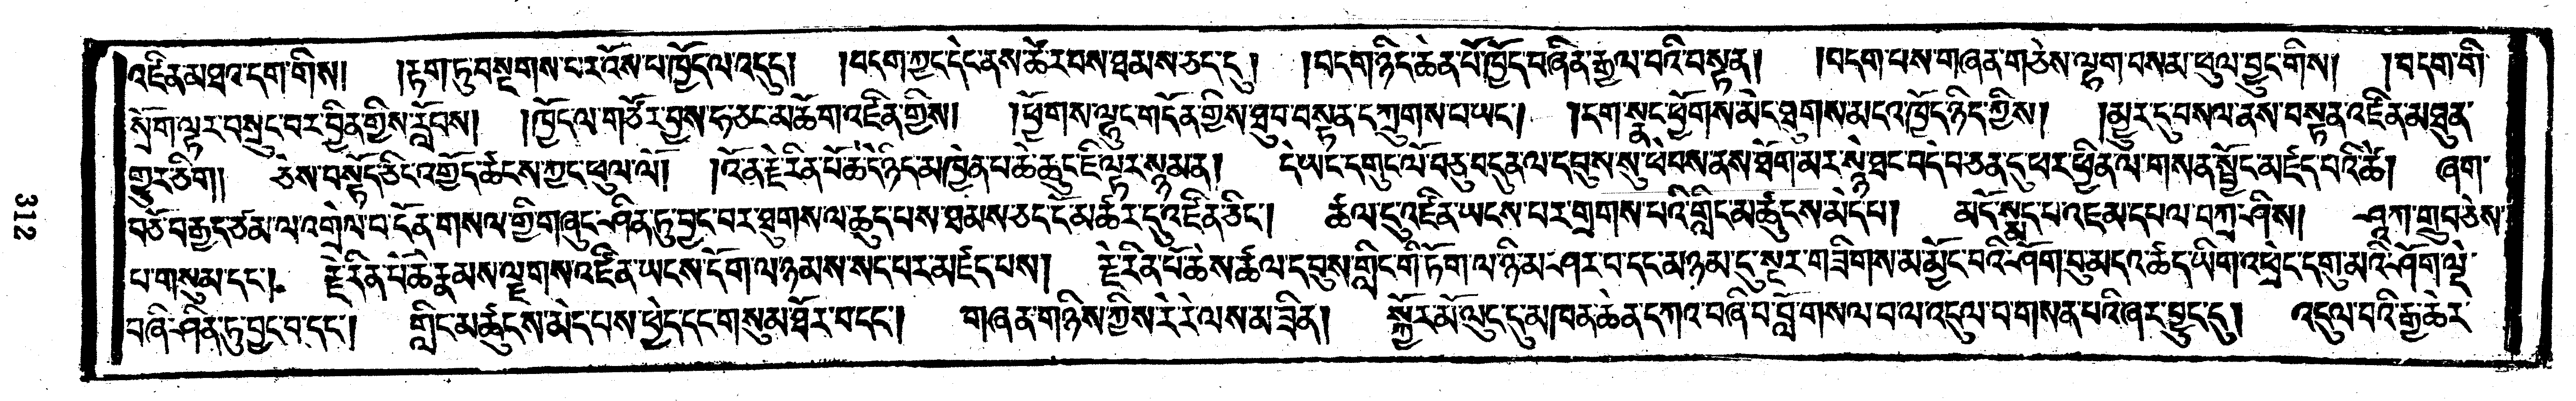འཛིན་མཐའ་དག་གིས། །རྟག་ཏུ་བསྔགས་པར་འོས་པ་ཁྱོད་ལ་འདུད། །བདག་ཀྱང་དེང་ནས་ཚེ་རབས་ཐམས་ཅད་དུ། །བདག་ཉིད་ཆེན་པོ་ཁྱོད་བཞིན་རྒྱལ་བའི་བསྟན། །བདག་པས་གཞན་གཅེས་ལྷག་བསམ་ཕུལ་བྱུང་གིས། །བདག་གི་
སྲོག་ལྟར་བསྲུང་བར་བྱིན་གྱིས་རློབས། །ཁྱོད་ལ་གཙོར་བྱས་ཧ་ཅང་མཆོག་འཛིན་གྱིས། །ཕྱོགས་ལྷུང་གདོན་གྱིས་ཐུབ་བསྟན་དཀྲུགས་པ་ཡང་། །དག་སྣང་ཕྱོགས་མེད་ཐུགས་མངའ་ཁྱོད་ཉིད་ཀྱིས། །མྱུར་དུ་བསལ་ནས་བསྟན་འཛིན་མཐུན་
གྱུར་ཅིག། ཅེས་བསྟོད་ཅིང་འགྱོད་ཚངས་ཀྱང་ཕུལ་ལོ། །འོ་ན་རྗེ་རིན་པོ་ཆེ་དེ་ཉིད་མཁྱེན་པ་ཆེ་ཆུང་ཇི་ལྟར་སྙམ་ན། དེ་ཡང་དགུང་ལོ་བཅུ་བདུན་ལ་དབུས་སུ་ཕེབས་ནས་ཐོག་མར་སྙེ་ཐང་བདེ་བ་ཅན་དུ་ཕར་ཕྱིན་ལ་གསན་སྦྱོང་མཛད་པའི་ཚེ། ཞག་
བཅོ་བརྒྱད་ཙམ་ལ་འགྲེལ་བ་དོན་གསལ་གྱི་གཞུང་ཤིན་ཏུ་བྱང་བར་ཐུགས་ལ་ཆུད་པས་ཐམས་ཅད་ངོ་མཚར་དུ་འཛིན་ཅིང་། ཚལ་དུ་འཛིན་ཡངས་པར་གྲགས་པའི་གླིང་མཚུངས་མེད་པ། མདོ་སྨད་པ་འཇམ་དཔལ་བཀྲ་ཤིས། ཤཱཀ་གྲུབ་ཅེས་
པ་གསུམ་དང་། རྗེ་རིན་པོ་ཆེ་རྣམས་ལྗགས་འཛིན་ཡངས་དོག་ལ་ཉམས་སད་པར་མཛད་པས། རྗེ་རིན་པོ་ཆེས་ཚལ་དབུས་གླིང་གི་ཏོག་ལ་ཉི་མ་ཤར་བ་དང་མཉམ་དུ་སྔར་གཟིགས་མ་མྱོང་བའི་ཤོག་བུ་མདའ་ཚད་ཡིད་འཕྲེང་དགུ་མའི་ཤོག་ལྡེ་
བཞི་ཤིན་ཏུ་བྱང་བ་དང་། གླིང་མཚུངས་མེད་པས་ཕྱེད་དང་གསུམ་ཐོར་བ་དང་། གཞན་གཉིས་ཀྱིས་རེ་རེ་ལས་མ་ཟིན། སྐྱོར་མོ་ལུང་དུ་མཁན་ཆེན་དཀའ་བཞི་པ་བློ་གསལ་བ་ལ་འདུལ་བ་གསན་པའི་ཞར་བྱུང་དུ། འདུལ་བའི་རྒྱ་ཆེར་